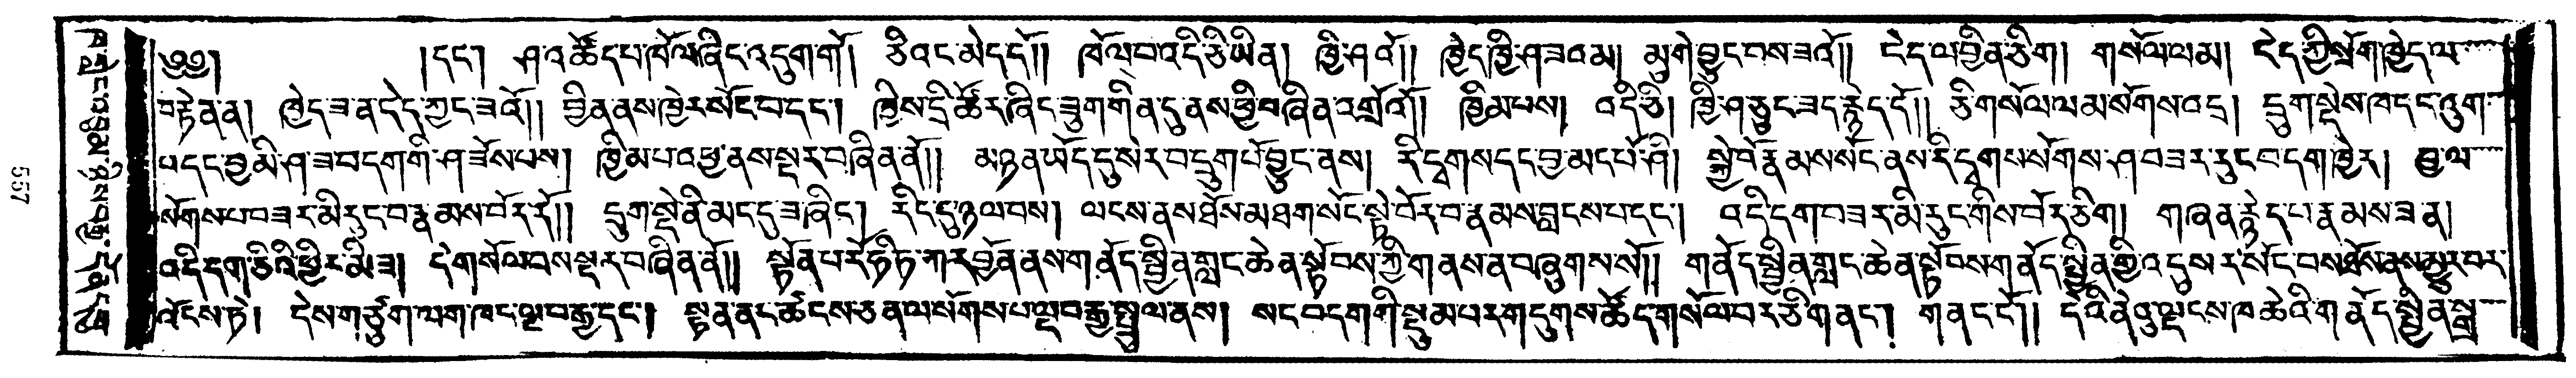༄༅། །དང་། ཤ་འཚོད་པ་ཁོལ་ཞིང་འདུག་གོ། ཅིའང་མེད་དོ།། ཁོལ་བ་འདི་ཅི་ཡིན། ཁྱི་ཤའོ། །ཁྱེད་ཁྱི་ཤ་ཟའམ། མུ་གེ་བྱུང་བས་ཟའོ། །ངེད་ལ་བྱིན་ཅིག །གསོལ་ལམ། ངེད་ཀྱི་སྲོག་ཁྱེད་ལ་
བརྟེན་ན། ཁྱེད་ཟ་ན་དེད་ཀྱང་ཟའོ།། བྱིན་ནས་ཁྱེར་སོང་བ་དང་། ཁྱིས་དྲི་ཚོར་ཞིང་ཟུག་གིན་དུ་ནས་ཕྱི་བཞིན་འགྲོའོ། ཁྱིམས་པས། འདི་ཅི། ཁྱི་ཤ་ཅུང་ཟད་རྙེད་དོ།། ཅི་གསོལ་ལམ་སོགས་འདྲ། དྲུག་སྡེས་ཁ་དང་འུག་
པ་དང་བྱ་མི་ཤ་ཟ་བདག་གི་ཤ་ཟོས་པས། ཁྱིམ་པ་འཕྱ་ནས་སྔར་བཞིན་ནོ།། མཉན་ཡོད་དུ་སེར་བ་དྲུག་པོ་བྱུང་ནས། རི་དྭགས་དང་བྱ་མང་པོ་ཤི། སྐྱེ་བོ་རྣམས་སོང་ནས་རི་དྭགས་སོགས་ཤ་བཟར་རུང་བ་དག་ཁྱེར། བྱ་ལ་
སོགས་པ་བཟང་མི་རུང་བ་རྣམས་བོར་རོ།། དྲུག་སྡེ་ནི་མང་དུ་ཟ་ཞིང་། རིང་དུ་ཉལ་བས། ལངས་ནས་ཐོས་མཐག་སོང་སྟེ་བོར་བ་རྣམས་བླངས་པ་དང་། འདི་དག་བཟར་མི་རུང་གིས་བོར་ཅིག། གཞན་རྙེད་པ་རྣམས་ཟ་ན།
འདི་དག་ཅིའི་ཕྱིར་མི་ཟ། དེ་གསོལ་བས་སྔར་བཞིན་ནོ།། སྟོན་པ་རོ་ཧ་ཏི་ཀར་བྱོན་ནས་གནོད་སྦྱིན་གླང་ཆེན་སྟོབས་ཀྱི་གནས་ན་བཞུགས་སོ།། གནོད་སྦྱིན་གླང་ཆེན་སྟོབས་གནོད་སྦྱིན་གྱི་འདུ་སར་སོང་བས་ཐོས་ནས་མྱུར་བར་
འོངས་ཏེ། དེས་གཙུག་ལག་ཁང་ལྔ་བརྒྱ་དང་། སྟན་ནང་ཚངས་ཅན་ལ་སོགས་པ་ལྔ་བརྒྱ་སྤྲུལ་ནས། སང་བདག་གི་སྡུམ་པར་གདུགས་ཚོད་གསོལ་བར་ཅི་གནང་། གནང་ངོ། །དེའི་ནེའུ་ལྡངས་ཁ་ཆེའི་གནོད་སྦྱིན་སྒྲ་